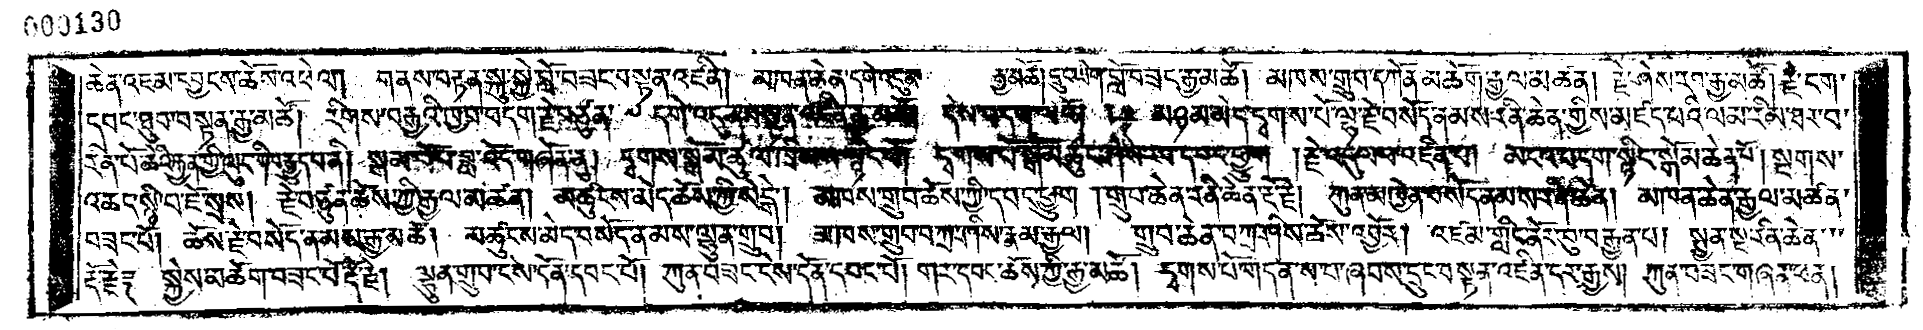ཆེན་འཇམ་དབྱངས་ཆོས་འཕེལ། གནས་བརྟན་སྐུ་སྐྱེ་བློ་བཟང་བསྟན་འཛིན། མཁན་ཆེན་དགེ་འདུན། རྒྱ་མཚོ། དྲུང་ཡིག་བློ་བཟང་རྒྱ་མཚོ། མཁས་གྲུབ་དཀོན་མཆོག་རྒྱལ་མཚན། རྗེ་ཤེས་རབ་རྒྱ་མཚོ། རྗེ་ངག་
དབང་ཐུབ་བསྟན་རྒྱ་མཚོ། རིགས་བརྒྱའི་ཁྱབ་བདག་རྗེ་བཙུན ༧་དགེ་འདུན་བསྟན་འཛིན་རྒྱ་མཚོ། དེས་བདག་ལའོ། །༈ མཉམ་མེད་དྭགས་པོ་ལྷ་རྗེ་བསོད་ནམས་རིན་ཆེན་གྱིས་མཛད་པའི་ལམ་རིམ་ཐར་བ་
རིན་པོ་ཆེའི་རྒྱན་གྱི་ལུང་གི་བརྒྱུད་པ་ནི། སྒམ་པོ་པ་ཟླ་འོད་གཞོན་ནུ། དྭགས་སྒོམ་ཚུལ་ཁྲིམས་སྙིང་པོ། དྭགས་པོ་སྒོམ་ཆུང་ཤེས་རབ་དབང་ཕྱུག །རྗེ་འདུལ་བ་འཛིན་པ། མངའ་བདག་སྙིང་སྒོམ་ཆེན་པོ། སྔགས་
འཆང་སྙི་པ་ཇོ་སྲས། རྗེ་བཙུན་ཆོས་ཀྱི་རྒྱལ་མཚན། མཚུངས་མེད་ཆོས་ཀྱི་སེངྒེ། མཁས་གྲུབ་ཆོས་ཀྱི་དབང་ཕྱུག །གྲུབ་ཆེན་རིན་ཆེན་རྡོ་རྗེ། ཀུན་མཁྱེན་བསོད་ནམས་རིན་ཆེན། མཁན་ཆེན་རྒྱལ་མཚན་
བཟང་པོ། ཆོས་རྗེ་བསོད་ནམས་རྒྱ་མཚོ། མཚུངས་མེད་བསོད་ནམས་ལྷུན་གྲུབ། མཁས་གྲུབ་བཀྲ་ཤིས་རྣམ་རྒྱལ། གྲུབ་ཆེན་བཀྲ་ཤིས་ཆོས་འབྱོར། འཛམ་གླིང་ནོར་བུ་བརྒྱན་པ། སྤྱན་སྔ་རིན་ཆེན་
རྡོ་རྗེ༑ སྐྱེས་མཆོག་བཟང་པོ་རྡོ་རྗེ། ལྷུན་གྲུབ་ངེས་དོན་དབང་པོ། ཀུན་བཟང་ངེས་དོན་དབང་པོ། གར་དབང་ཆོས་ཀྱི་རྒྱ་མཚོ། དྭགས་པོ་གདན་ས་པ་ཞབས་དྲུང་བསྟན་འཛིན་དར་རྒྱས། ཀུན་བཟང་གཞན་ཕན།